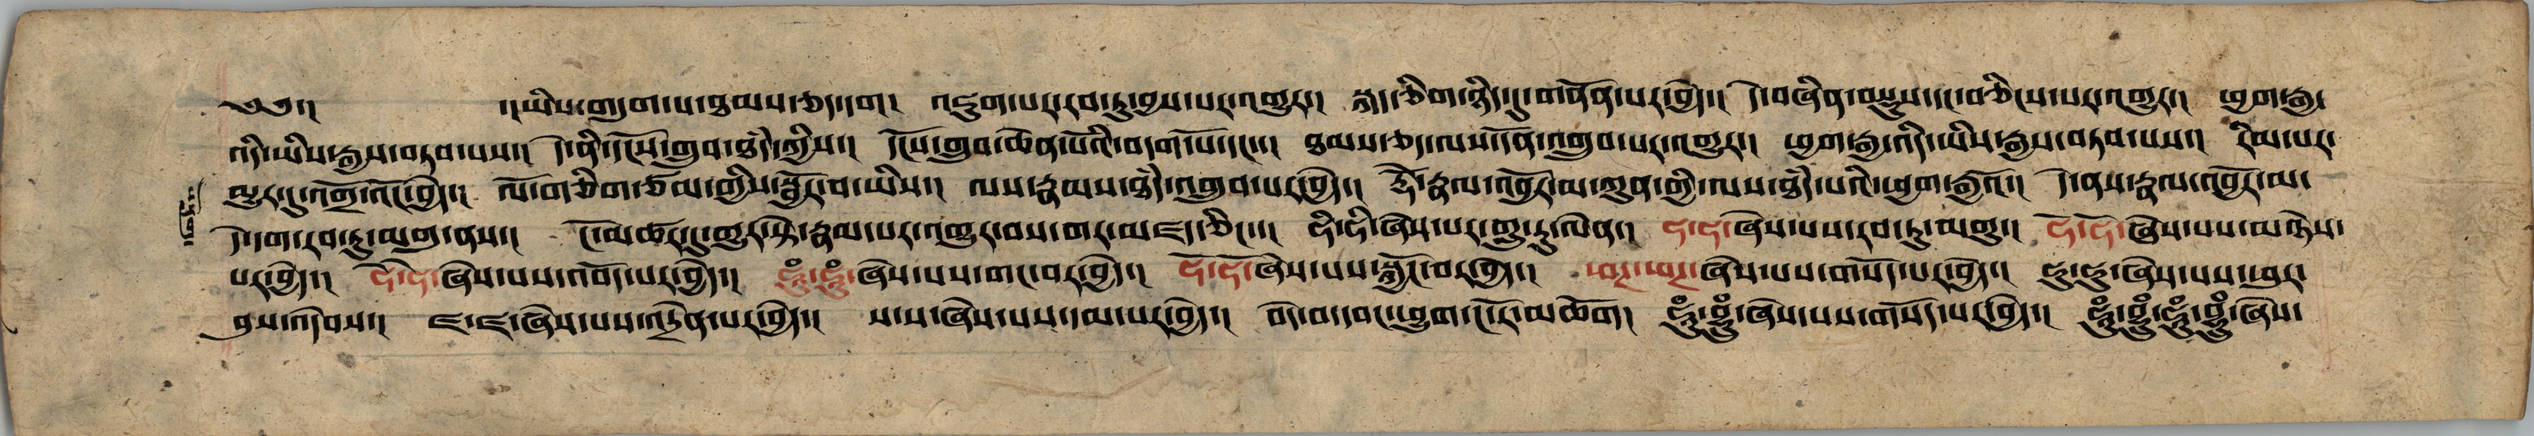༄༅་། ་།ཡིས་གདུག་པ་ཐམས་ཅད་དག། འཇུག་པར་རབ་ཏུ་བྱས་པར་འགྱུར་། སྐད་ཅིག་ཉིད་དུ་གནོན་པར་བྱེད་། དེ་བཞིན་བསྡུས་དང་བཅིངས་པར་འགྱུར་། ཕྱག་རྒྱ་
འདི་ཡིས་རྒྱས་བཏབ་པས་། དེ་ནི་དདངོས་གྲུབ་ཐཾད་ཀྱིས་། དངོས་གྲུབ་ཆེན་པོའི་བདག་པོ་དང་་། ཐམས་ཅད་ལས་དོན་འགྲུབ་པར་འགྱུར་། ཕྱག་རྒྱ་འདི་ཡིས་རྒྱས་བཏབ་པས་། རིམ་པར་
མྱུར་དུ་འགྲོ་འོང་བྱེད་། ལོ་གཅིག་ཙམ་གྱིས་སྦྱོར་བ་ཡིས་། ལས་རྣམས་ཐཾད་འགྲུབ་པར་བྱེད་། རྡོེ་རྣལ་འབྱོར་མ་ཀུན་གྱི་ལས་ཐཾད་པའི་ཕྱག་རྒྱའོ་། དེ་ནས་རྣལ་འབྱོར་མ་
དེ་དག་རབ་ཏུ་མགུ་ནས་། ངོ་མཚར་དུ་གྱུར་སྟེ་རྣམ་པར་འགྱུར་བས་གར་མཛད་ཅིང་་། ཧི་ཧི་ཞེས་པར་གླུ་རུ་ལེན་། ཧ་ཧ་ཞེས་པས་རབ་ཏུ་མགུ་། ཧོ་ཧོ་ཞེས་པས་མཉེས་
པར་བྱེད་། ཧེ་ཧེ་ཞེས་པས་འབོད་པར་བྱེད་། ཧཱུཾ་ཧཱུཾ་ཞེས་པས་གང་བར་བྱེད་། ཧོ་ཧོ་ཞེས་པས་སྐྱོང་བར་བྱེད་། ཕཊ་ཕཊ་ཞེས་པས་གསོད་པར་བྱེད་། ཧུ་ཧུ་ཞེས་པས་ཕུར་
བུས་འདེབས་། ཛ་ཛ་ཞེས་པས་འདྲེན་པར་བྱེད་། ས་ས་ཞེས་པས་དམ་པར་བྱེད་། བདེ་བ་དབང་ཕྱུག་ང་རོ་མཆོག། ཧཱུཾ་བྷྲུཾ་ཞེས་པས་གསོད་པར་བྱེད་། ཧཱུཾ་བྷྲུཾ་ཧཱུཾ་བྷྲུཾ་ཞེས་